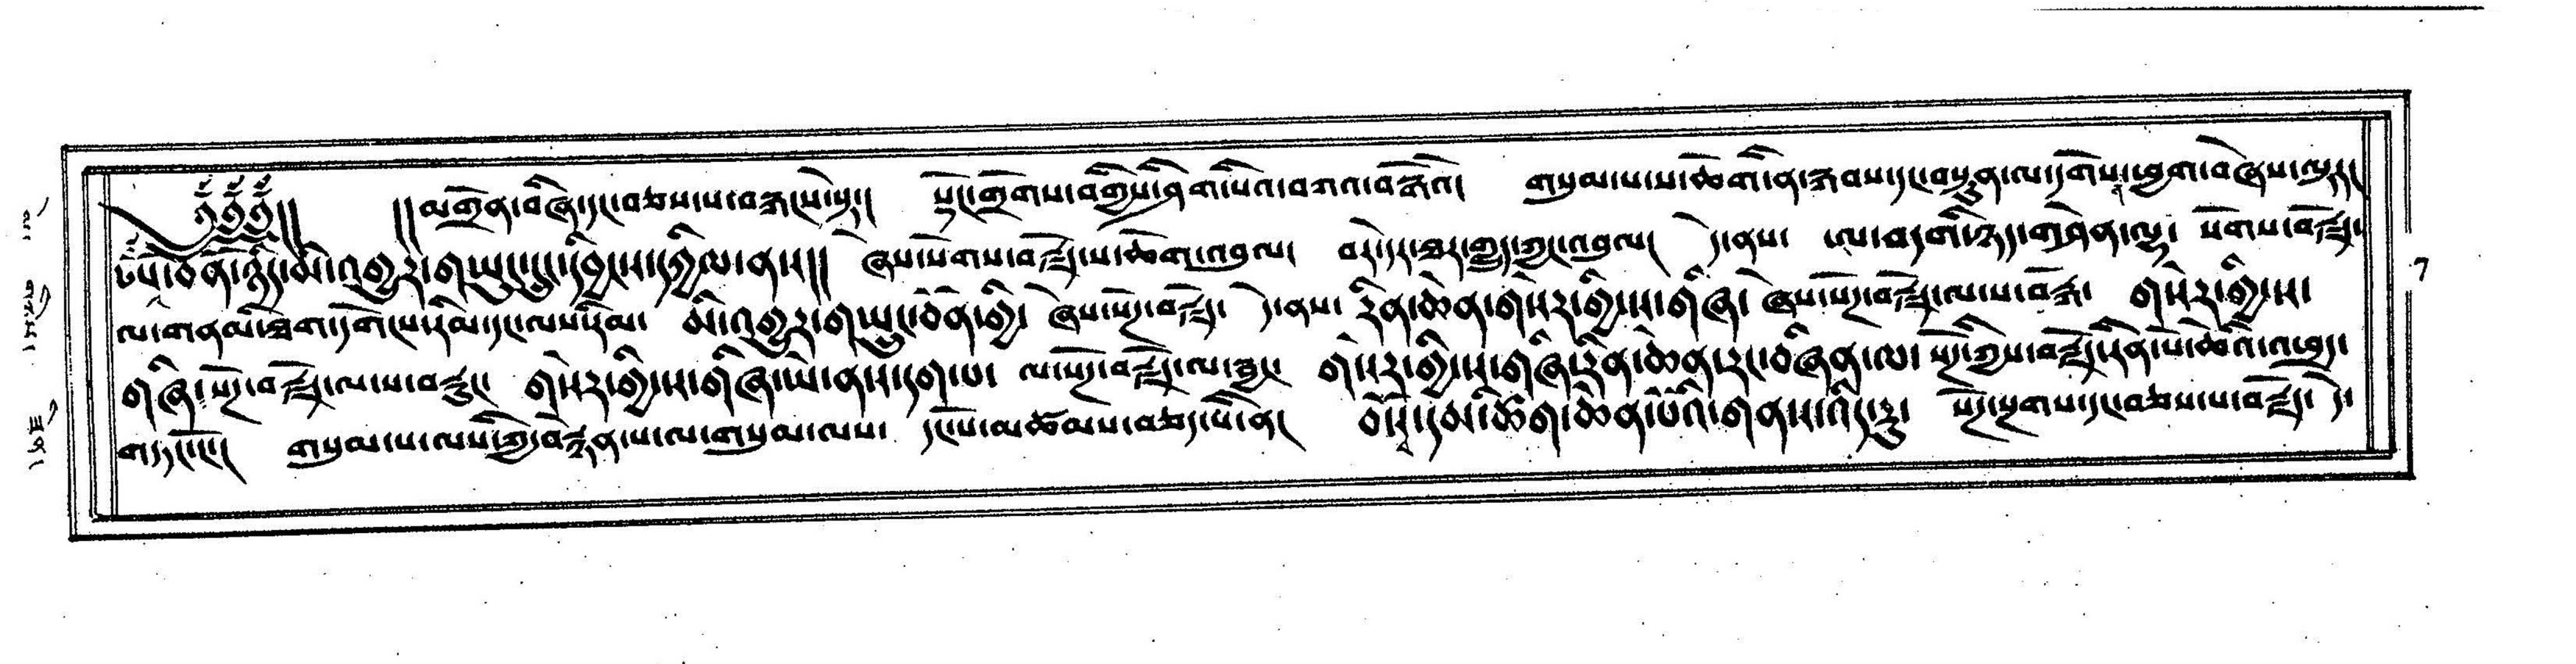མགྲོན་བཞི་དང་བཅས་པ་བསྐངས་སྟེ། སྡོང་གྲོགས་གྱིས་ཤིག་པའི་བཀའ་བསྒོའོ། གསུམ་པ་ས་ཆོག་ནི་སྐབས་དང་བསྟུན་ལ་དགོས་ན་ཕྱག་བཞེས་ལྟར། 
ཨཱོཾ་བོན་ཉིད་མི་འགྱུར་གཡུང་དྲུང་དབྱིངས་དཀྱིལ་ནས།། ཞེས་སོགས་བརྗོད་པ་ཆོག་འབུལ། བར་དེར་ཐར་གླུད་ཀྱང་འབུལ། དེ་ནས་ཨ་བདག་ཉིད་གཤེན་ལྷ་སོགས་བརྗོད་
ལ་གནམ་ཐིག་དགོངས་རིམ་དང་ལས་རིམ་མི་འགྱུར་གཡུང་དྲུང་བོན་གྱི་ཞེས་སོགས་བརྗོད་དེ་ནས་རིན་ཆེན་གསེར་གྱི་ས་གཞི་ཞེས་སོགས་བརྗོད་ལ་ས་བརྐོ་གསེར་གྱི་ས་
གཞི་སོགས་བརྗོད་ལ་ས་བརྡུང་གསེར་གྱི་ས་གཞི་ཡེ་ནས་དག་པ་ལ་སོགས་བརྗོད་ལ་སྦྱང་གསེར་གྱི་ས་གཞི་རིན་ཆེན་རང་བཞིན་ལ་སོགས་ཀྱིས་བརྗོད་རིན་པོ་ཆེའི་འཕྲད་
གཏང་ངོ་། གསུམ་པ་ལས་ཀྱི་བསྙེན་པ་ལ་གསུམ་ལས་དང་པོ་མཚམས་བཅད་པ་ནི། བསྭོ་དམ་ཚིག་ཆེན་པོའི་གནས་འདི་རུ་སོགས་སྔགས་དང་བཅས་པ་བརྗོད་དེ་